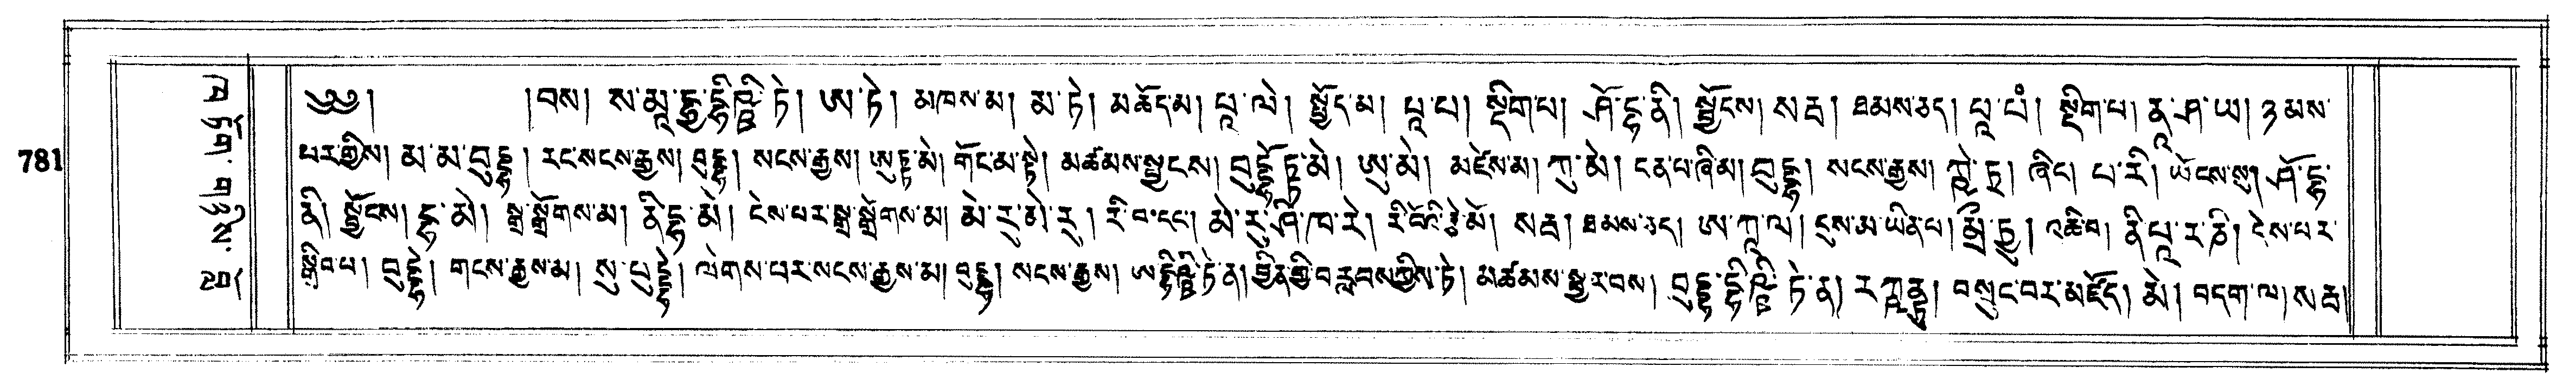༄༅། །བས། ས་མཱ་དྷྱ་དྷི་ཥཊཿཨི་ཏེ། ཨ་ཏེ། མཁས་མ། མ་ཏེ། མཆོད་མ། པཱ་ལེ། སྤྱོད་མ། པཱ་པ། སྡིག་པ། ཤོ་དྷ་ནི། སྦྱོངས། སརྦ། ཐམས་ཅད། པཱ་པཾ། སྡིག་པ། ནཱ་ཤ་ཡ། ཉམས་
པར་གྱིས། མ་མ་བུདྡྷ། རང་སངས་རྒྱས། བུདྡྷ། སངས་རྒྱས། ཨུཏྟ་མེ། གོང་མ་སྟེ། མཚམས་སྦྱར་བས། བུདྡྷོ་ཏྟ་མེ། ཨུ་མེ། མཛེས་མ། ཀུ་མེ། ངན་པ་ཞི་མ། བུདྡྷ། སངས་རྒྱས། ཀྵེ་ཏྲ། ཞིང་། པ་རི། ཡོངས་སུ། ཤོ་དྷ་
ནི། སྦྱོངས། དྷ་མེ། སྒྲ་སྒྲོགས་མ། ནི་དྷ་མེ། ངེས་པར་སྒྲ་སྒྲོགས་མ། མེ་རུ་མེ་རུ། རི་བོ་དང་། མེ་རུ་ཤི་ཁ་རེ། རི་བོའི་རྩེ་མོ། སརྦ། ཐམས་ཅད། ཨ་ཀཱ་ལ། དུས་མ་ཡིན་པ། མྲྀ་ཏྱུ། འཆི་བ། ནི་པཱ་ར་ཎི། ངེས་པར་
སྒྲིབ་པ། བུདྡྷེ། གངས་རྒྱས་མ། སུ་བུདྡྷེ། ལེགས་པར་སངས་རྒྱས་མ། བུདྡྷ། སངས་རྒྱས། ཨ་དྷི་ཥཊཿཨི་ཏེ་ན། བྱིན་གྱི་བརླབས་ཀྱིས་ཏེ། མཚམས་སྦྱར་བས། བུདྡྷ་དྷི་ཥཊཿཨི་ཏེ་ན། རཀྵནྟུ། བསྲུང་བར་མཛོད། མེ། བདག་ལ། སརྦ།